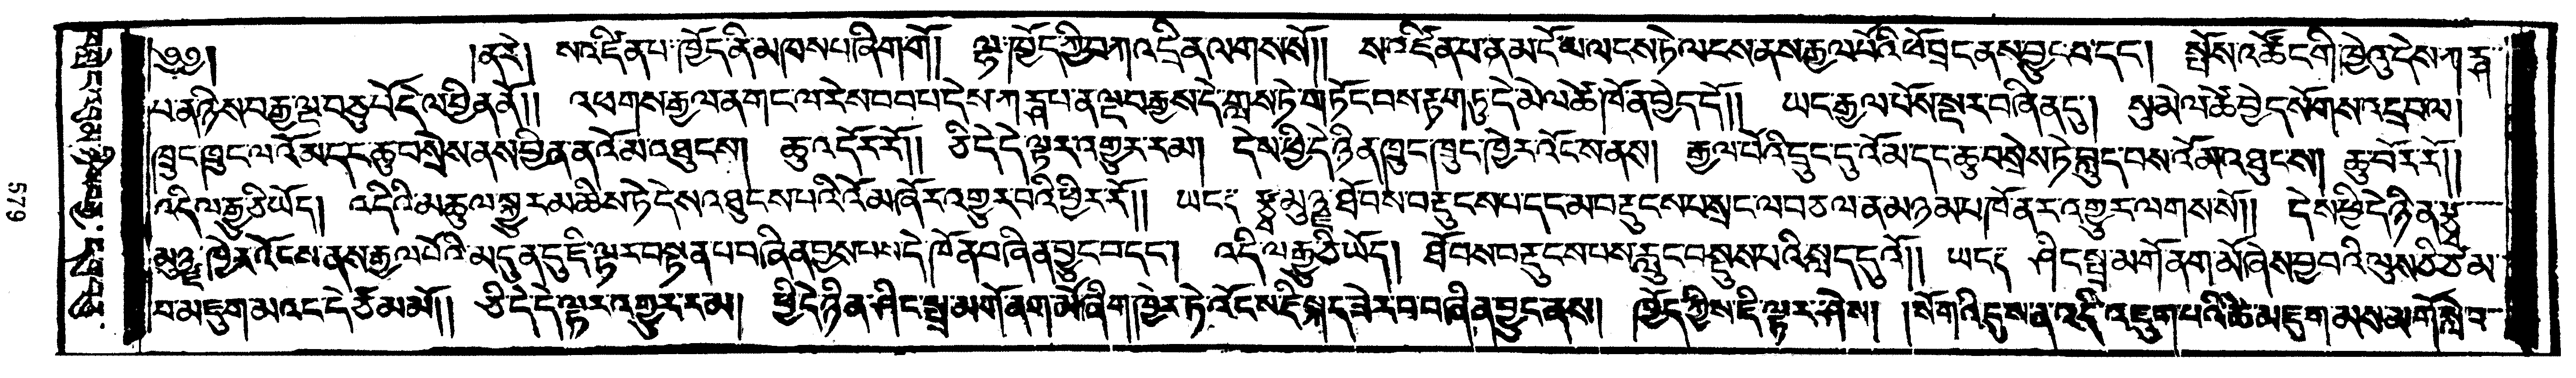༄༅། །ན་རེ། ས་འཛིན་པ་ཁྱོད་ནི་མཁས་པ་ཞིག་གོ། ལྷ་ཁྱོད་ཀྱི་བཀའ་དྲིན་ལགས་སོ།། ས་འཛིན་པ་ནམ་ངོ་མ་ལངས་ཏེ་ལངས་ནས་རྒྱལ་པོའི་ཕོ་བྲང་ནས་བྱུང་བ་དང་། སྤོས་འཚོང་གི་ཁྱེའུ་དེས་ཀརྴ་
པ་ན་ཉིས་བརྒྱ་ལྔ་བཅུ་པོ་དེ་ལ་བྱིན་ནོ།། འཕགས་རྒྱལ་ན་གང་ལ་རེས་བབ་པ་དེས་ཀརྴ་པ་ན་ལྔ་བརྒྱས་དེ་གླས་ཏེ་གཏོང་བས་རྟག་ཏུ་དེ་མེལ་ཚེ་ཁོ་ན་བྱེད་དོ།། ཡང་རྒྱལ་པོས་སྔར་བཞིན་དུ། སུ་མེལ་ཚེ་བྱེད་སོགས་འདྲ་བ་ལ།
ཁྲུང་ཁྲུང་ལ་འོམ་དང་ཆུ་བསྲེས་ནས་བྱིན་ནའོ་མ་འཐུངས། ཆུ་འདོར་རོ།། ཅི་དེ་དེ་ལྟར་འགྱུར་རམ། དེས་ཕྱི་དེ་ཉིན་ཁྲུང་ཁྲུང་ཁྱེར་འོངས་ནས། རྒྱལ་པོའི་དྲུང་དུ་འོ་མ་དང་ཆུ་བསྲེས་ཏེ་བླུད་པས་འོ་མ་འཐུངས། ཆུ་བོར་རོ།།
འདི་ལ་རྒྱུ་ཅི་ཡོད། འདིའི་མཆུལ་སྐྱུར་མཆིས་ཏེ་དེས་འཐུངས་པའི་འོ་མ་ཞོར་འགྱུར་བའི་ཕྱིར་རོ།། ཡང༑ རྩྭ་མུཉྫ་ཐོ་བས་བརྡུངས་པ་དང་མ་བརྡུངས་བསྲང་ལ་བཅལ་ན་མཉམ་པ་ཁོ་ནར་འགྱུར་ལགས་སོ།། དེས་ཕྱི་དེ་ཉིན་རྩྭ་
མུཉྫ་ཁྱེར་འོངས་ནས་རྒྱལ་པོའི་མདུན་དུ་ཇི་ལྟར་བསྟན་པ་བཞིན་བྱས་པས་དེ་ཁོ་ན་བཞིན་བྱུང་བ་དང་། འདི་ལ་རྒྱུ་ཅི་ཡོད། ཐོབས་བརྡུངས་པས་རླུང་བསྡུས་པའི་སླད་དུའོ།། ཡང༑ ཤིང་སྤྲ་མགོ་ནག་མོ་ཞེས་བྱ་བའི་ལུས་ཅི་ཙམ་
བ་མཇུག་མའང་དེ་ཙམ་མོ།། ཅི་དེ་དེ་ལྟར་འགྱུར་རམ། ཕྱི་དེ་ཉིན་ཤིང་སྤྲ་མགོ་ནག་མོ་ཞིག་ཁྱེར་ཏེ་འོངས་ཇི་སྐད་ཟེར་བ་བཞིན་བྱུང་ནས། ཁྱོད་ཀྱིས་ཇི་ལྟར་ཤེས། །སོ་གའི་དུས་ན་འདི་འཇུག་པའི་ཚེ་མཇུག་མས་མགོ་སླེབ་